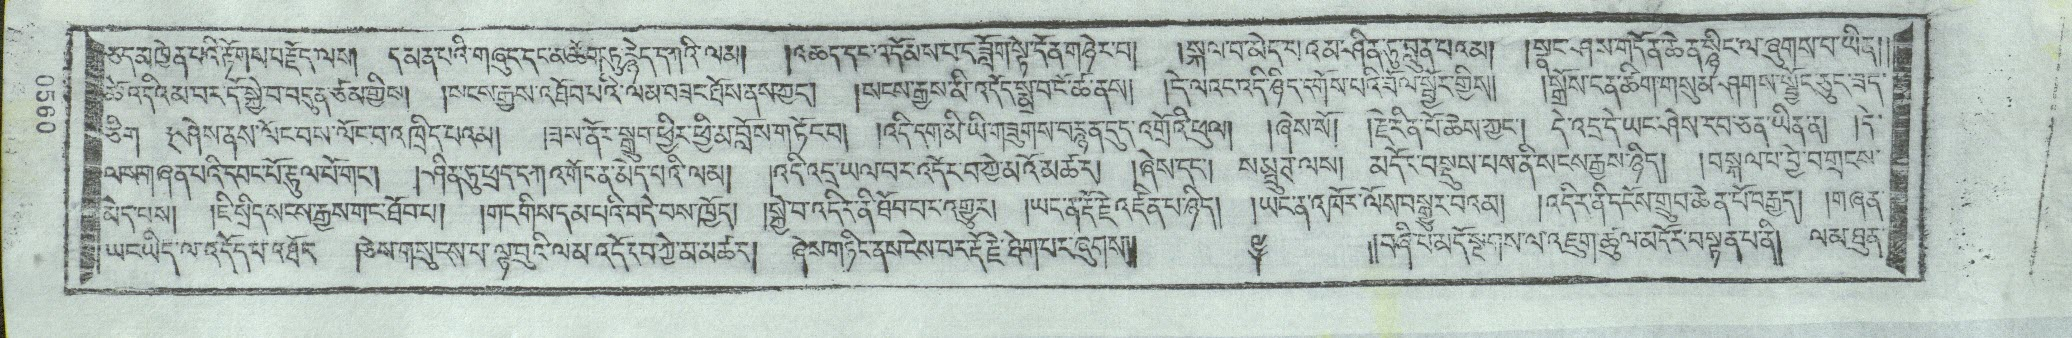ཅད་མཁྱེན་པའི་རྟོགས་བརྗོད་ལས། དམན་པའི་གཞུང་དང་མཆོག་ཏུ་རྙེད་དཀའི་ལམ། །འཆད་དང་འདོམས་པ་བཟློག་སྟེ་དོན་གཉེར་བ། །སྐལ་བ་མེད་པའམ་ཤིན་ཏུ་བླུན་པའམ། །སྣང་ཤས་གདོན་ཆེན་སྙིང་ལ་ཞུགས་པ་ཡིན།།
ཚེ་འདིའམ་བར་དོ་སྐྱེ་བ་བདུན་ཙམ་གྱིས། །སངས་རྒྱས་འཐོབ་པའི་ལམ་བཟང་ཐོས་ནས་ཀྱང་། །སངས་རྒྱས་མི་འདོད་སྨྲ་བ་ངོ་ཚ་ནས། །དེ་ལའང་འདི་ཉིད་དགོས་པའི་ཟོལ་སྦྱོར་གྱིས། །སྒྲོས་ངན་ཚིག་གསུམ་ཤགས་སྦྱོང་ཅུང་ཟད་
ཅིག ༑ཤེས་ནས་ལོང་བས་ལོང་བ་འཁྲིད་པའམ། །ཟས་ནོར་སྒྲུབ་ཕྱིར་ཕྱི་མ་བློས་གཏོང་བ། །འདི་དག་མི་ཡི་གཟུགས་བརྙན་དུད་འགྲོའི་ཕུལ། །ཞེས་སོ། །རྗེ་རིན་པོ་ཆེས་ཀྱང་། དེ་འདྲ་དེ་ཡང་ཤེས་རབ་ཅན་ཡིན་ན། །དེ་
ལས་གཞན་པའི་དབང་པོ་རྟུལ་པོ་གང་། །ཤིན་ཏུ་ཕྲད་དཀའ་གོང་ན་མེད་པའི་ལམ། །འདི་འདྲ་ཡལ་བར་འདོར་བ་ཀྱེ་མའོ་མཚར། །ཞེས་དང་། སམྦུཊ་ལས། མདོར་བསྡུས་པས་ནི་སངས་རྒྱས་ཉིད། །བསྐལ་པ་བྱེ་བ་གྲངས་
མེད་པས། །ཇི་སྲིད་སངས་རྒྱས་གང་ཐོབ་པ། །གང་གིས་དམ་པའི་བདེ་བས་ཁྱོད། །སྐྱེ་བ་འདིར་ནི་ཐོབ་པར་འགྱུར། །ཡང་ན་རྡོ་རྗེ་འཛིན་པ་ཉིད། །ཡང་ན་འཁོར་ལོས་བསྒྱུར་བའམ། །འདིར་ནི་དངོས་གྲུབ་ཆེན་པོ་བརྒྱད། །གཞན་
ཡང་ཡིད་ལ་འདོད་པ་འཐོབ། །ཅེས་གསུངས་པ་ལྷ་བུའི་ལམ་འདོད་བ་ཀྱེ་མ་མཚར། ཞེས་གཏིང་ནས་ངེས་པར་རྡོ་རྗེ་ཐེག་པར་ཞུགས།། ༈ །།བཞི་པ་མདོ་སྔགས་ལ་འཇུག་ཚུལ་མདོར་བསྟན་པ་ནི། ལམ་ཐུན་